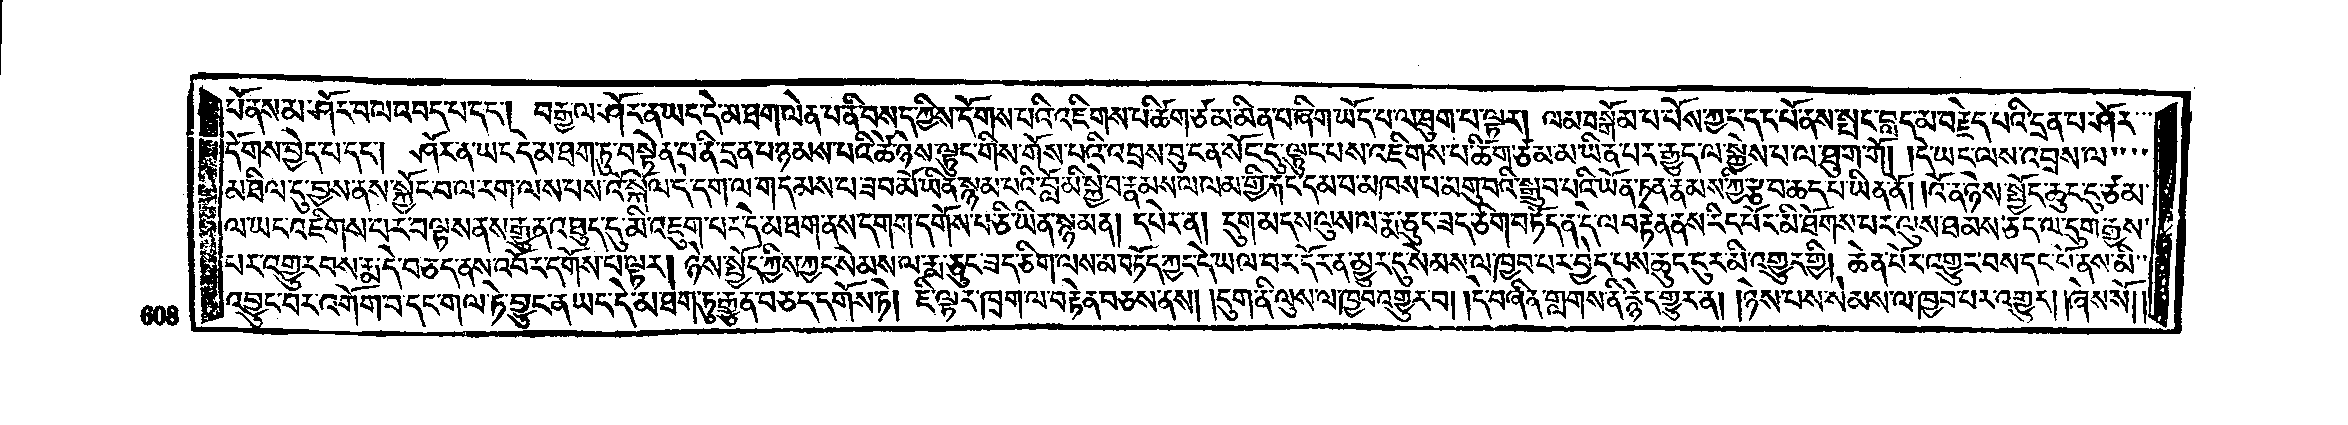པོ་ནས་མ་ཤོར་བ་ལ་འབད་པ་དང་། བརྒྱ་ལ་ཤོར་ན་ཡང་དེ་མ་ཐག་ལེན་པ་ནི་བསད་ཀྱིས་དོགས་པའི་འཇིགས་པ་ཚིག་ཙམ་མིན་པ་ཞིག་ཡོད་པ་ལ་ཐུག་པ་ལྟར། ལམ་བསྒོམ་པ་པོས་ཀྱང་དང་པོ་ནས་སྤང་བླང་མ་བརྗེད་པའི་དྲན་པ་ཤོར་
དོགས་བྱེད་པ་དང་། ཤོར་ན་ཡང་དེ་མ་ཐག་ཏུ་བསྟེན་པ་ནི་དྲན་པ་ཉམས་པའི་ཚེ་ཉེས་ལྟུང་གིས་གོས་པའི་འབྲས་བུ་ངན་སོང་དུ་ལྟུང་བ་ལ་འཇིགས་པ་ཚིག་ཙམ་མ་ཡིན་པར་རྒྱུད་ལ་སྐྱེས་པ་ལ་ཐུག་གོ། །དེ་ཡང་ལས་འབྲས་ལ་
མཐིལ་དུ་བྱས་ནས་སྐྱོང་བ་ལ་རག་ལས་པས་འོ་སྐོལ་དེ་དག་ལ་གདམས་པ་ཟབ་མོ་ཡིན་སྙམ་པའི་བློ་མི་སྐྱེ་བ་རྣམས་ལ་ལམ་གྱི་རྐང་དམ་པ་མཁས་པ་མགུ་བའི་སྒྲུབ་པའི་ཡོན་ཏན་རྣམས་ཀྱི་རྩ་བ་ཆད་པ་ཡིན་ནོ། །འོན་ཉེས་སྤྱོད་ཆུང་ངུ་ཙམ་
ལ་ཡང་འཇིགས་པར་བལྟས་ནས་རྒྱུན་འཐུད་དུ་མི་འཇུག་པར་དེ་མ་ཐག་ནས་དགག་དགོས་པ་ཅི་ཡིན་སྙམ་ན། དཔེར་ན། དུག་མདས་ལུས་ལ་རྨ་ཅུང་ཟད་ཅིག་བཏོད་ན་དེ་ལ་བརྟེན་ནས་རང་པོར་མི་ཐོགས་པར་ལུས་ཐམས་ཅད་ལ་དུག་རྒྱས་
པར་འགྱུར་བས་རྨ་དེ་བཅད་ནས་འབོར་དགོས་པ་ལྟར། ཉེས་སྤྱོད་ཀྱིས་ཀྱང་སེམས་ལ་རྨ་ཅུང་ཟད་ཅིག་ལས་མ་བཏོད་ཀྱང་དེ་ཡལ་བར་དོར་ན་མྱུར་དུ་སེམས་ལ་ཁྱབ་པར་བྱེད་པས་ཆུང་ངུར་མི་འགྱུར་གྱི། ཆེན་པོར་འགྱུར་བས་དང་པོ་ནས་མི་
འབྱུང་བར་འགོག་པ་དང་གལ་ཏེ་བྱུང་ན་ཡང་དེ་མ་ཐག་ཏུ་རྒྱུན་བཅད་དགོས་ཏེ། ཇི་ལྟར་ཁྲག་ལ་བརྟེན་བཅས་ནས། །དུག་ནི་ལུས་ལ་ཁྱབ་འགྱུར་བ། །དེ་བཞིན་གླགས་ནི་རྙེད་གྱུར་ན། །ཉེས་པས་སེམས་ལ་ཁྱབ་པར་འགྱུར། །ཞེས་སོ། །